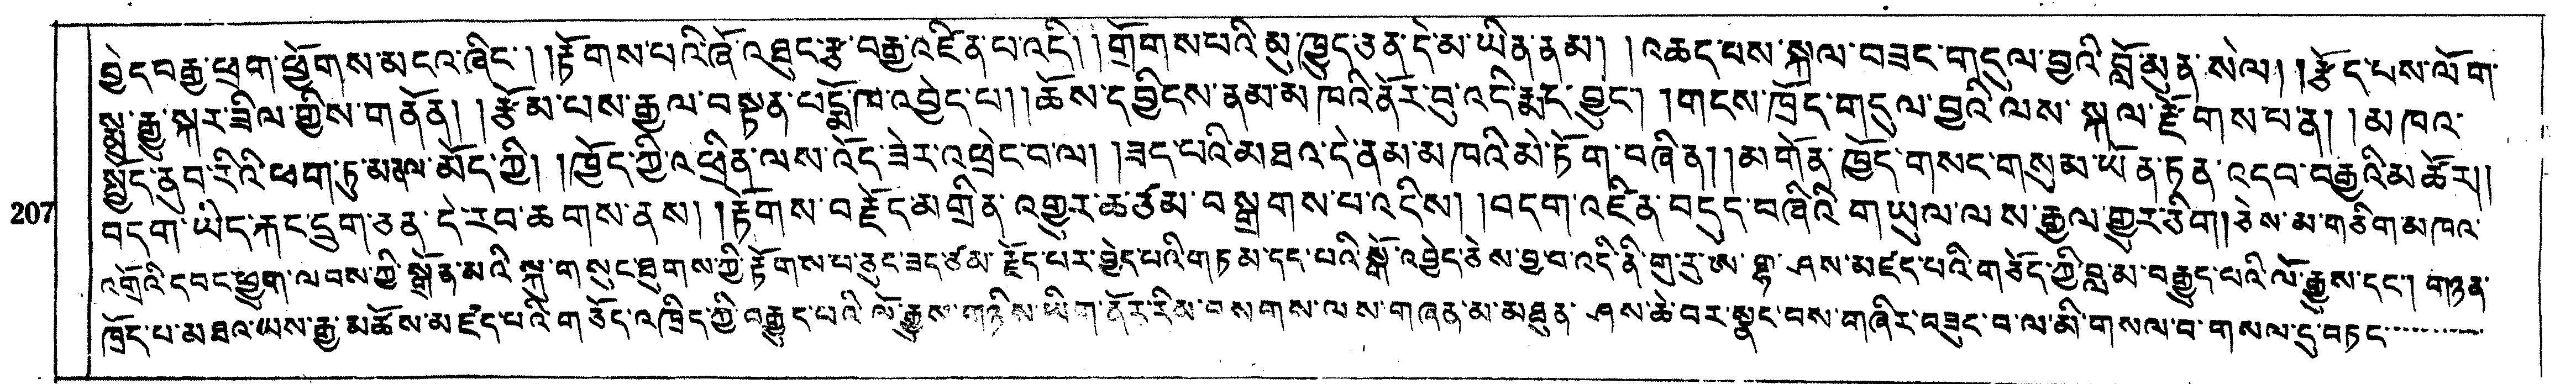བྱེད་བརྒྱ་ཕྲག་ཕྱོགས་མངའ་ཞིང་། །རྟོགས་པའི་ཞོ་འཐུང་རྩ་བརྒྱ་འཛིན་པ་འདི། །གྲོགས་པའི་མུ་ཁྱུད་ཅན་དེ་མ་ཡིན་ནམ། །འཆད་པས་སྐལ་བཟང་གདུལ་བྱའི་བློ་མུན་སེལ། །རྩོད་པས་ལོག་
སྨྲ་རྒྱུ་སྐར་ཟིལ་གྱིས་གནོན། །རྩོམ་པས་རྒྱལ་བསྟན་པདམོ་ཁ་འབྱེད་པ། །ཆོས་དབྱིངས་ནམ་མཁའི་ནོར་བུ་འདི་རྨད་བྱུང་། །གངས་ཁྲོད་གདུལ་བྱའི་ལས་སྐལ་རྫོགས་པ་ན། །མཁའ་
སྤྱོད་ནུབ་རིའི་ཕག་ཏུ་མནལ་མོད་ཀྱི། །ཁྱོད་ཀྱི་འཕྲིན་ལས་འོད་ཟེར་འཕྲེང་བ་ལ། །ཟད་པའི་མཐའ་དེ་ནམ་མཁའི་མེ་ཏོག་བཞིན། །མགོན་ཁྱོད་གསང་གསུམ་ཡོན་ཏན་འདབ་བརྒྱའི་མཚོར། །
བདག་ཡིད་རྐང་དྲུག་ཅན་དེ་རབ་ཆགས་ནས། །རྟོགས་བརྗོད་མགྲིན་འགྱུར་ཆ་ཙམ་བསྒྲགས་པ་འདིས། །བདག་འཛིན་བདུད་བཞིའི་གཡུལ་ལས་རྒྱལ་གྱུར་ཅིག །ཅེས་མ་གཅིག་མཁའ་
འགྲོའི་དབང་ཕྱུག་ལབས་ཀྱི་སྒྲོན་མའི་སྐུ་གསུང་ཐུགས་ཀྱི་རྟོགས་པ་ཅུང་ཟད་ཙམ་རྗོད་པར་བྱེད་པའི་གཏམ་དང་བའི་སྒོ་འབྱེད་ཅེས་བྱ་བ་འདི་ནི་གུ་རུ་ཨ་གྷ་ཤས་མཛད་པའི་གཅོད་ཀྱི་བླ་མ་བརྒྱུད་པའི་ལོ་རྒྱུས་དང་། གཉན་
ཁྲོད་པ་མཐའ་ཡས་རྒྱ་མཚོས་མཛད་པའི་གཅོད་འཁྲིད་ཀྱི་བརྒྱུད་པའི་ལོ་རྒྱུས་གཉིས་ཡིག་ནོར་རིམ་བསགས་ལས་གཞན་མ་མཐུན་ཤས་ཆེ་བར་སྣང་བས་གཞིར་བཟུང་བ་ལ་མི་གསལ་བ་གསལ་དུ་བཏང་